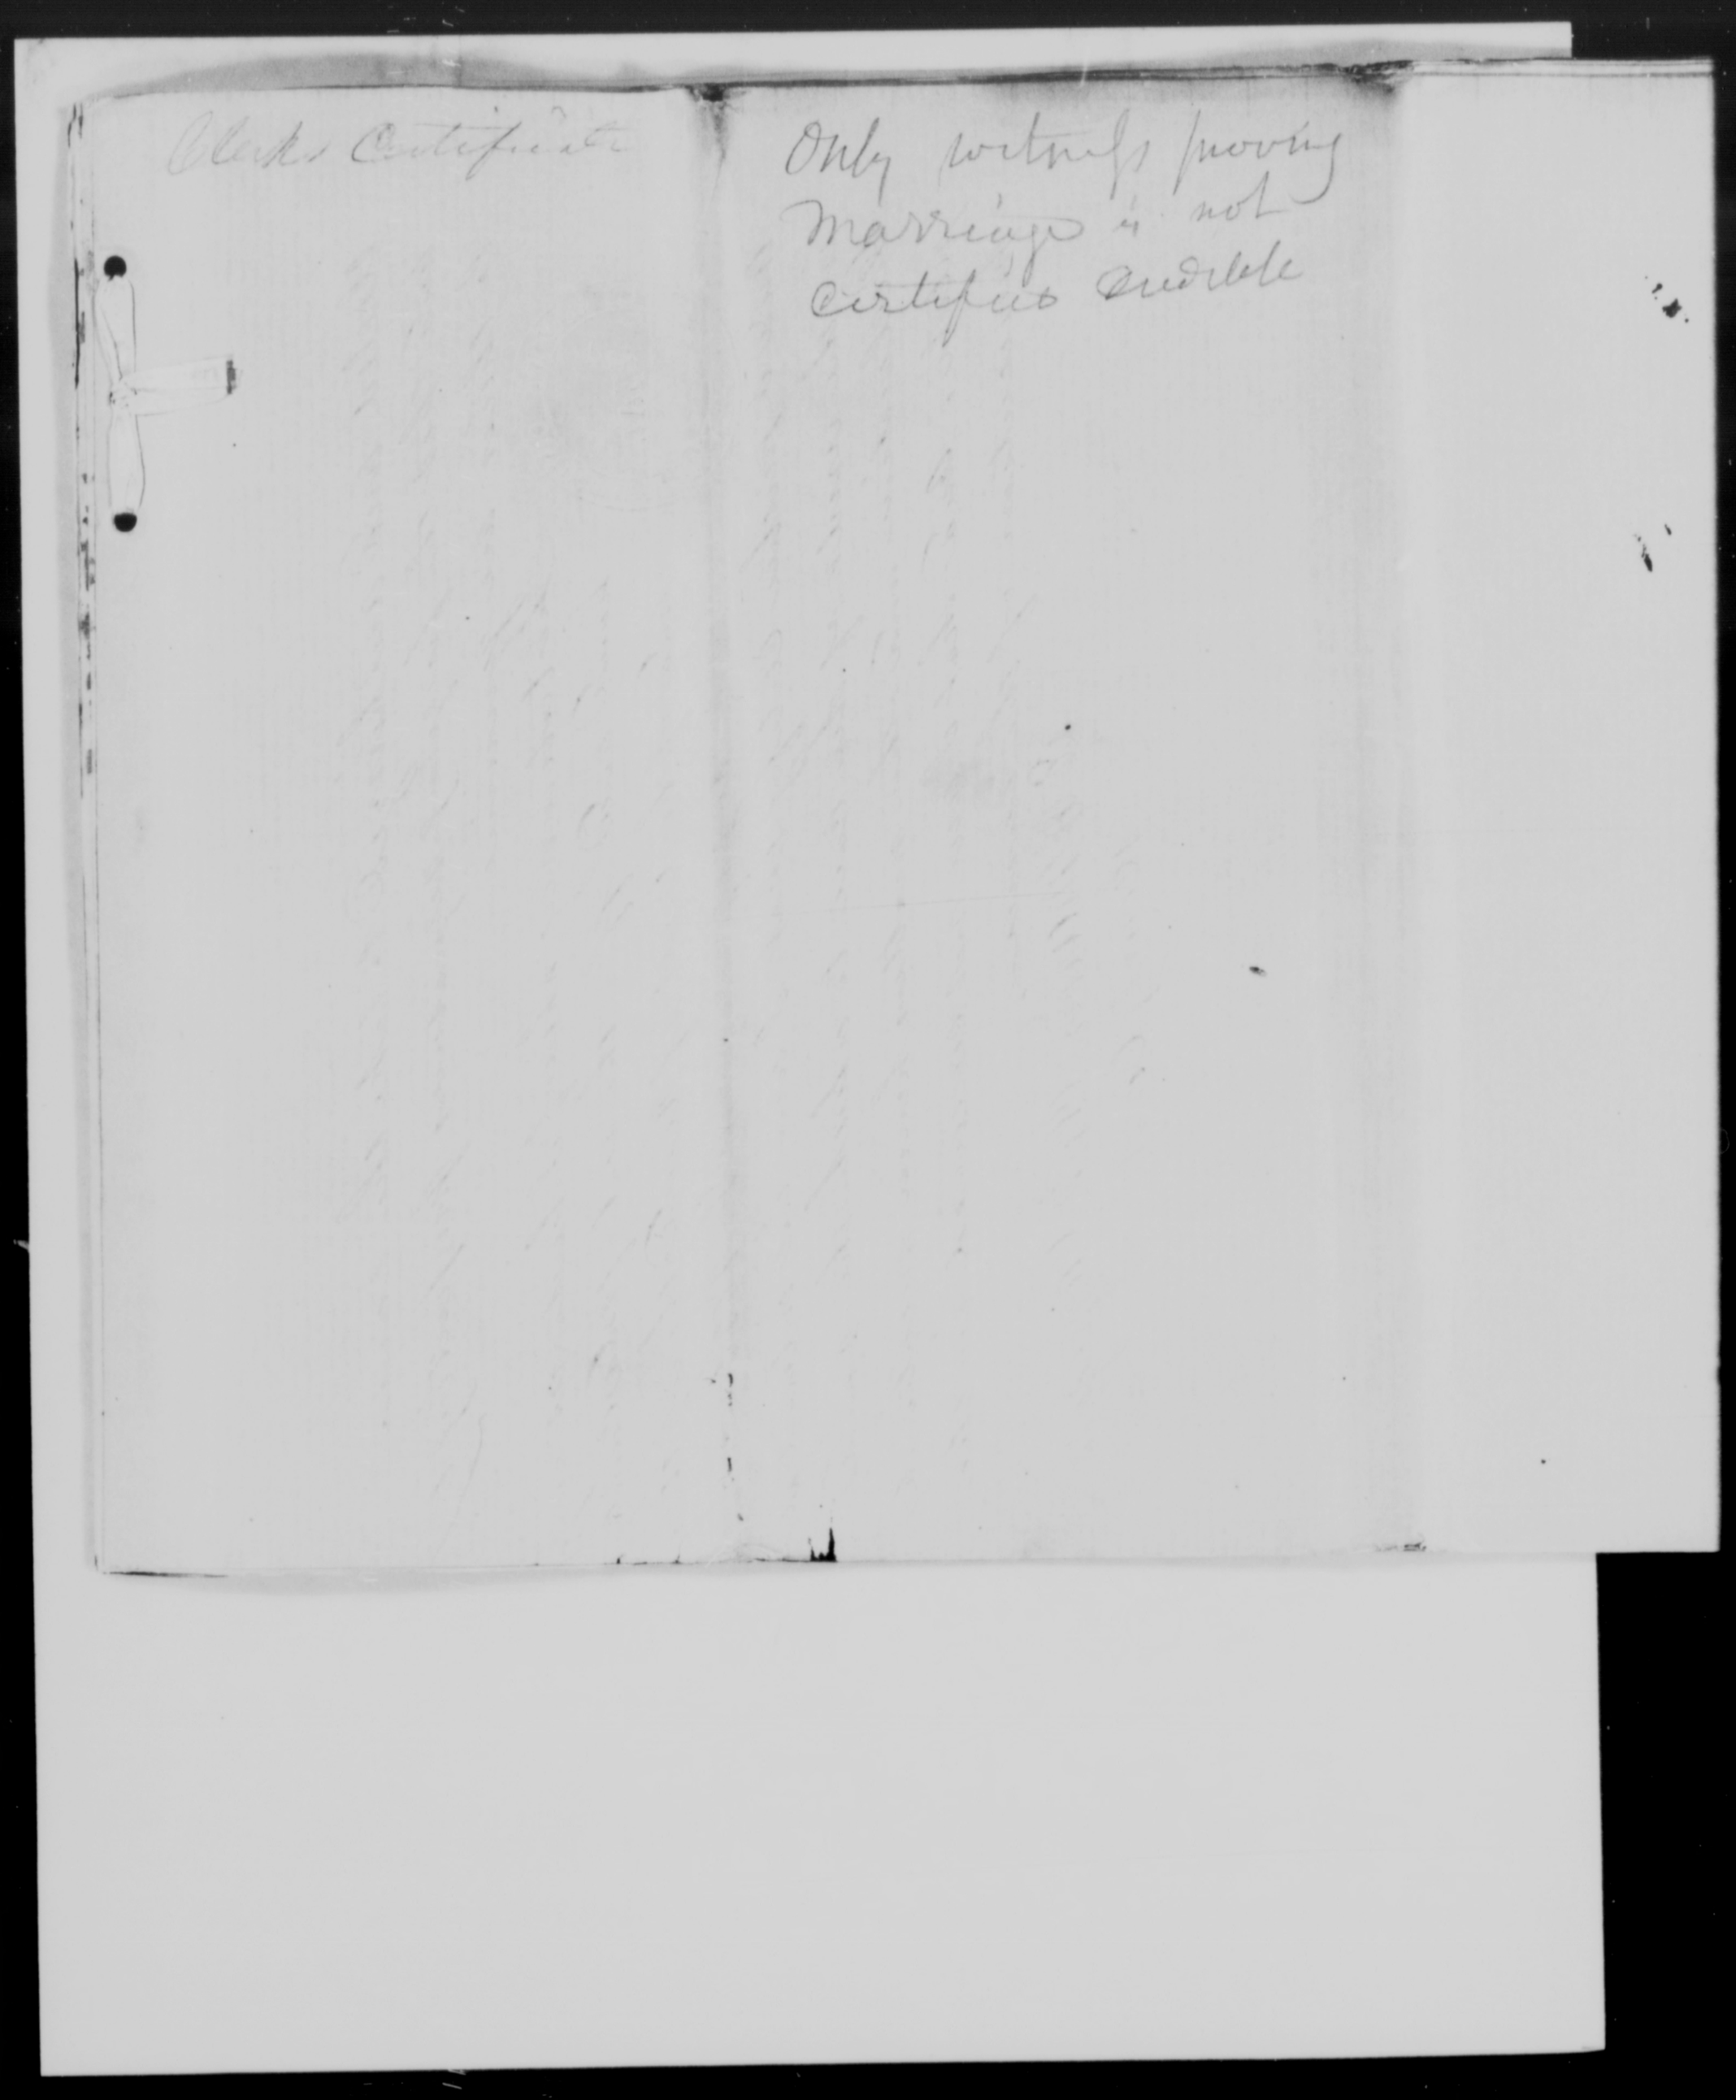Clerks Certificate

Only witness proving Marriage is not certified credible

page: 4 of 77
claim: widow's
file: W. 19658, John Woodin, New York